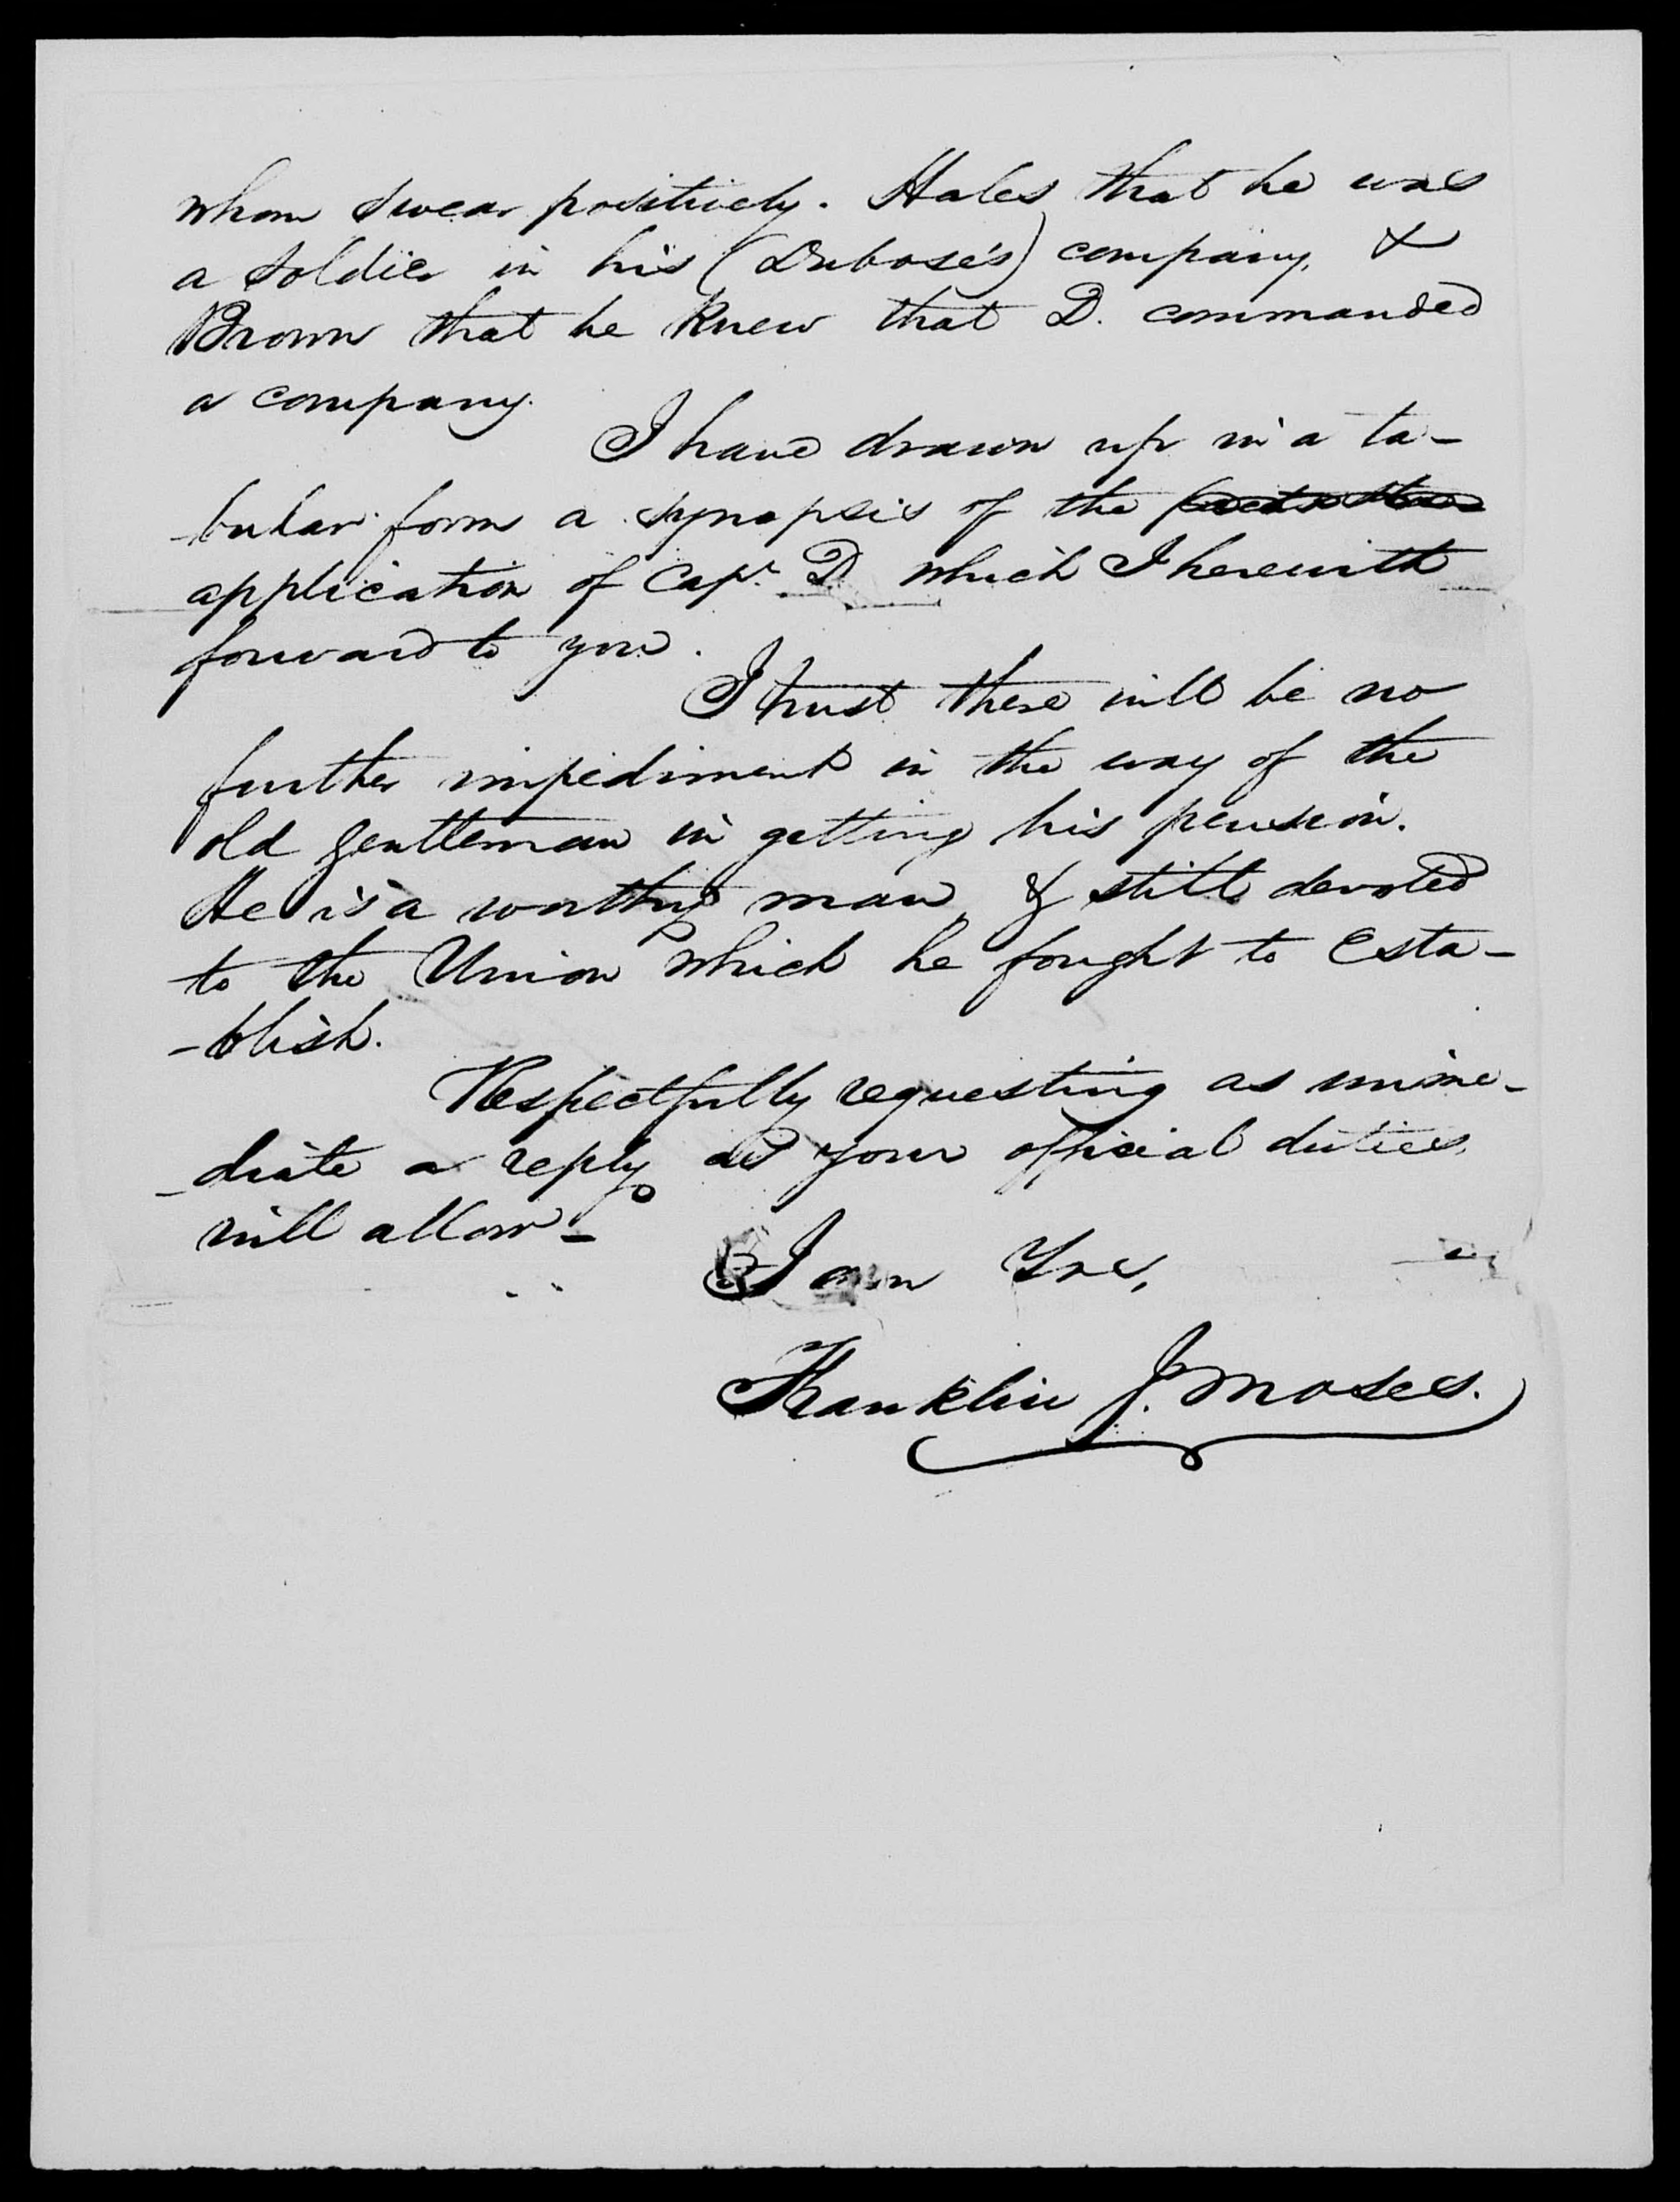whom swear positively. States that he was
a soldier in his (Dubose's) company &
from that he knew that D. commanded
a company.
I have drawn up in a tabular
form a synopsis of the
application of Capt D. which I herewith
forward to you.
I trust there will be no
further impediment in the way of the
old gentleman in getting his pension.
He is a worthy man & still devoted
to the Union which he fought to Establish.
Respectfully requesting as immediate
a reply as your official duties
will allow.
I am yours
Franklin J. Moses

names: Brown, Franklin J Moses, D, Hales, D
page: 28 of 43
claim: survivor's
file: S. 21163, Peter Dubose, S.C.